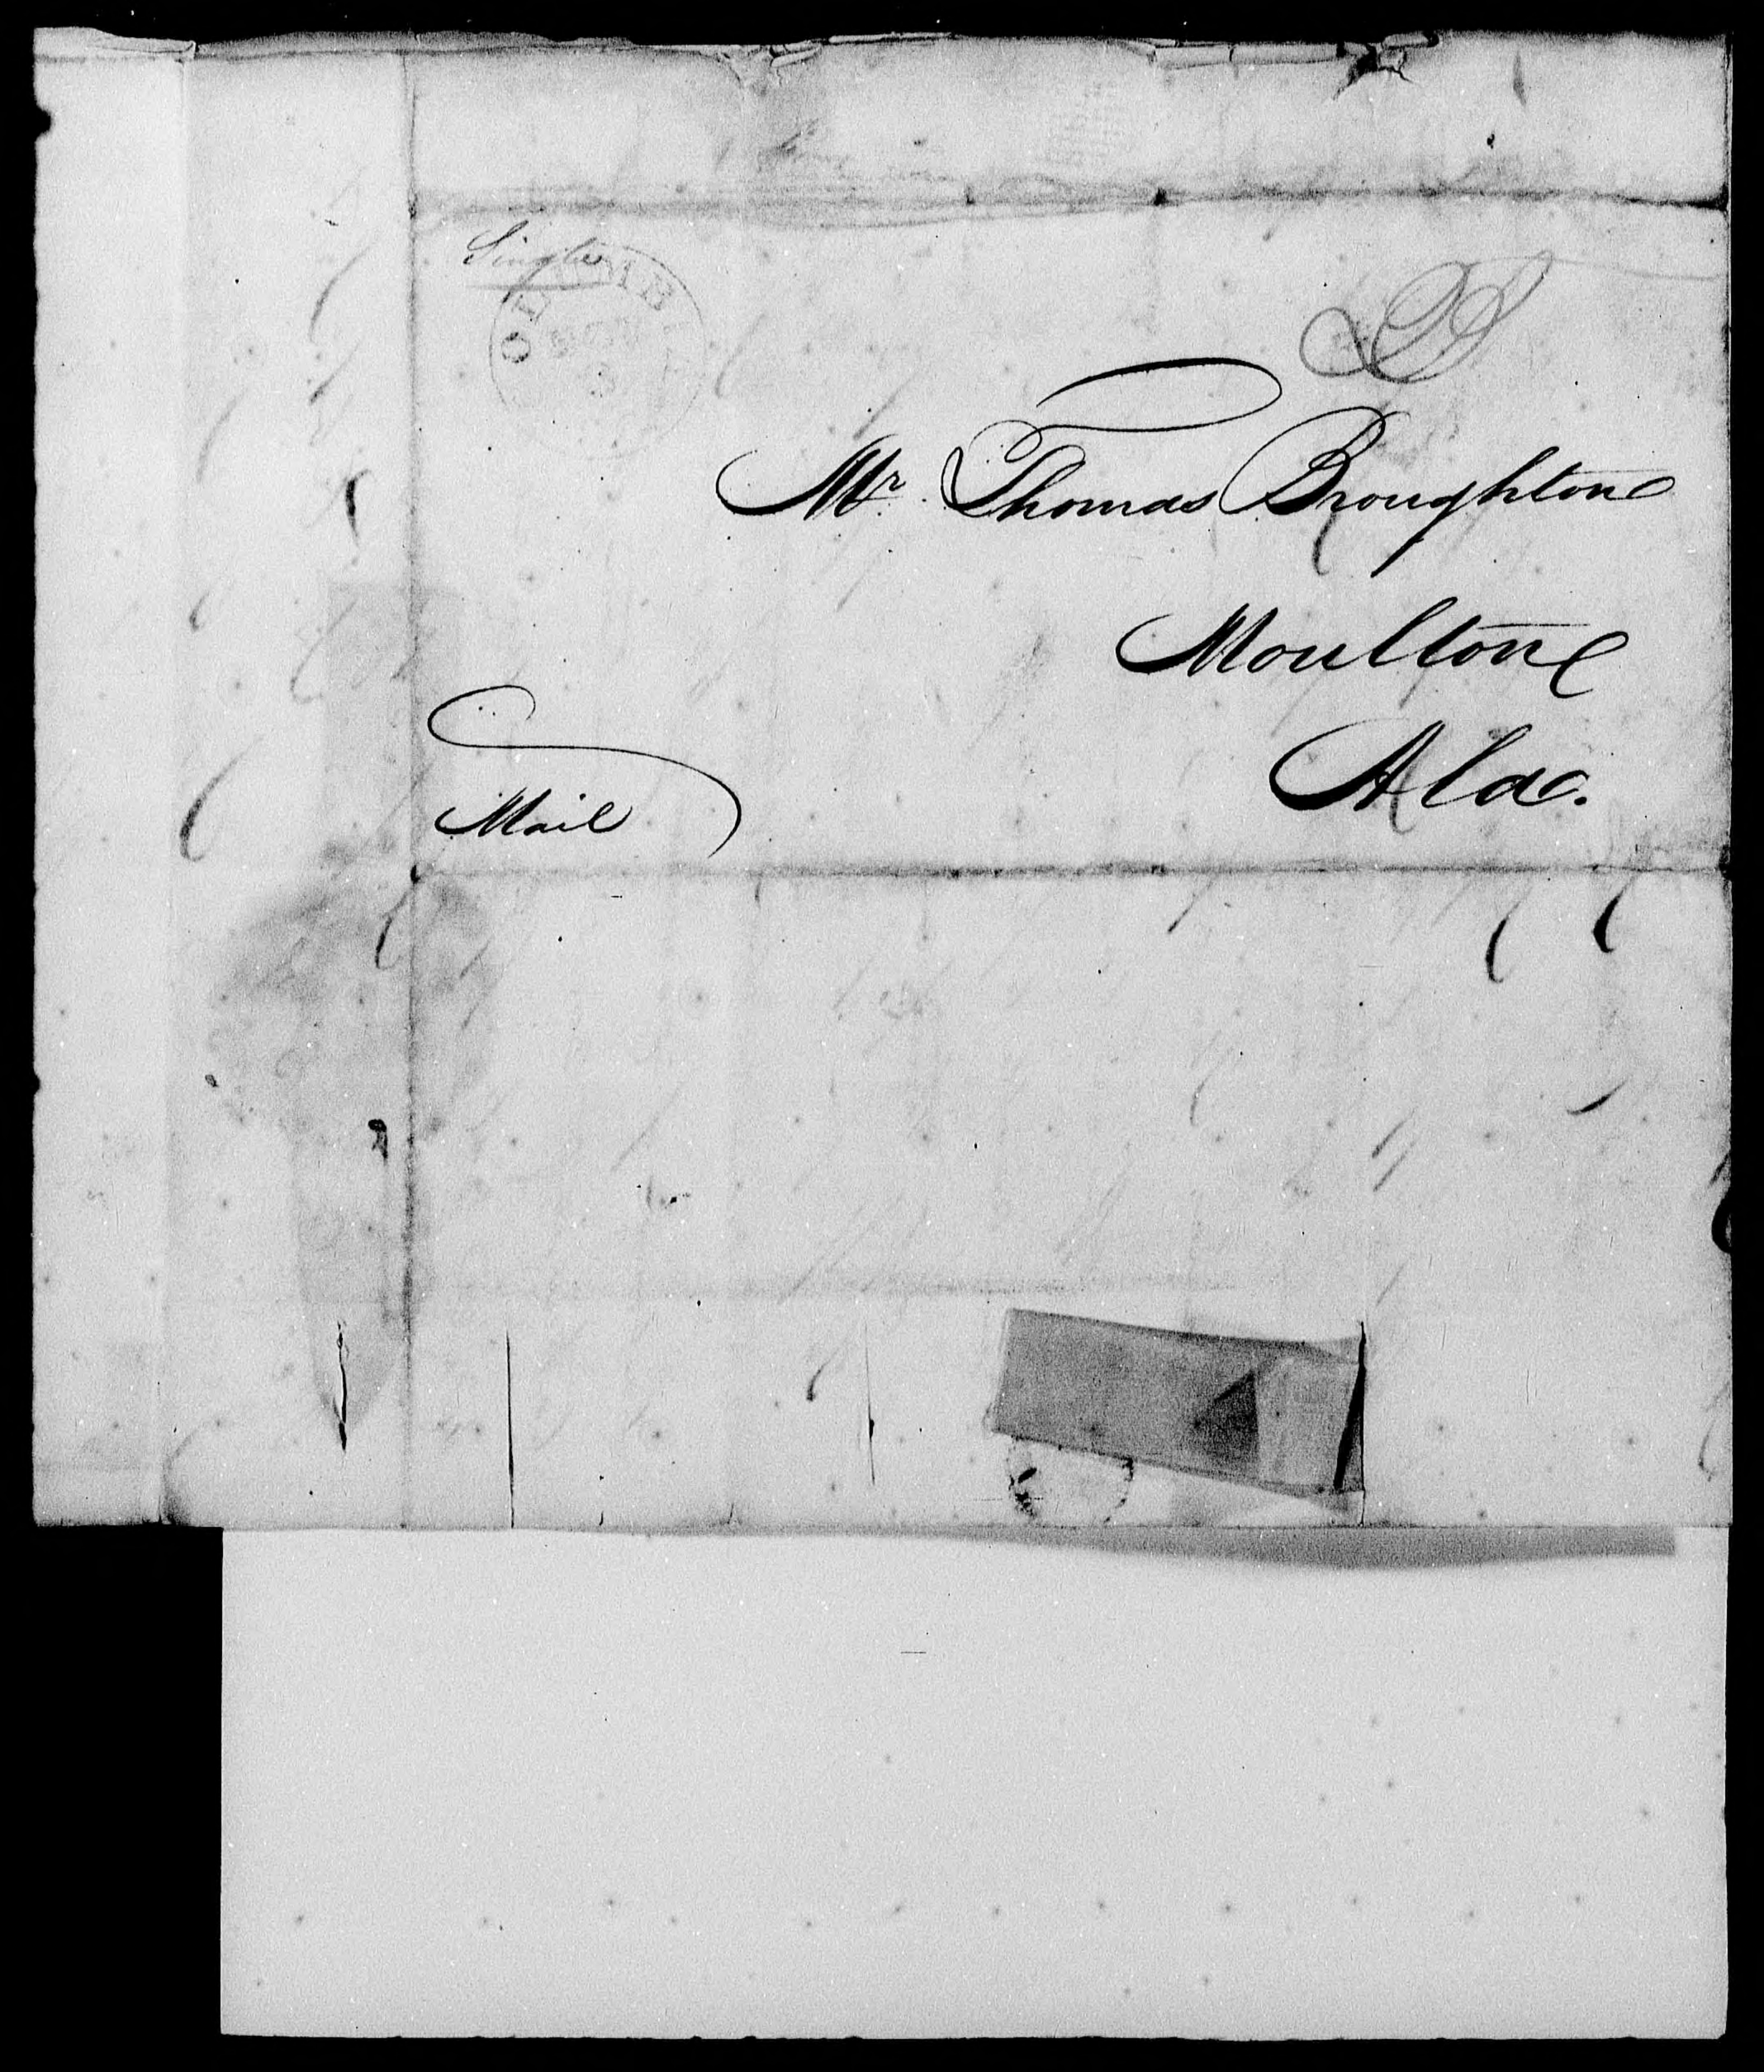Single               TB

[postal stamp]
COLUMBIA
NOV
3
S.C.


Mr Thomas Broughton
Moulton
Ala.

Mail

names: Thomas Broughton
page: 39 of 72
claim: widow's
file: W. 897, Thomas Broughton, S.C.